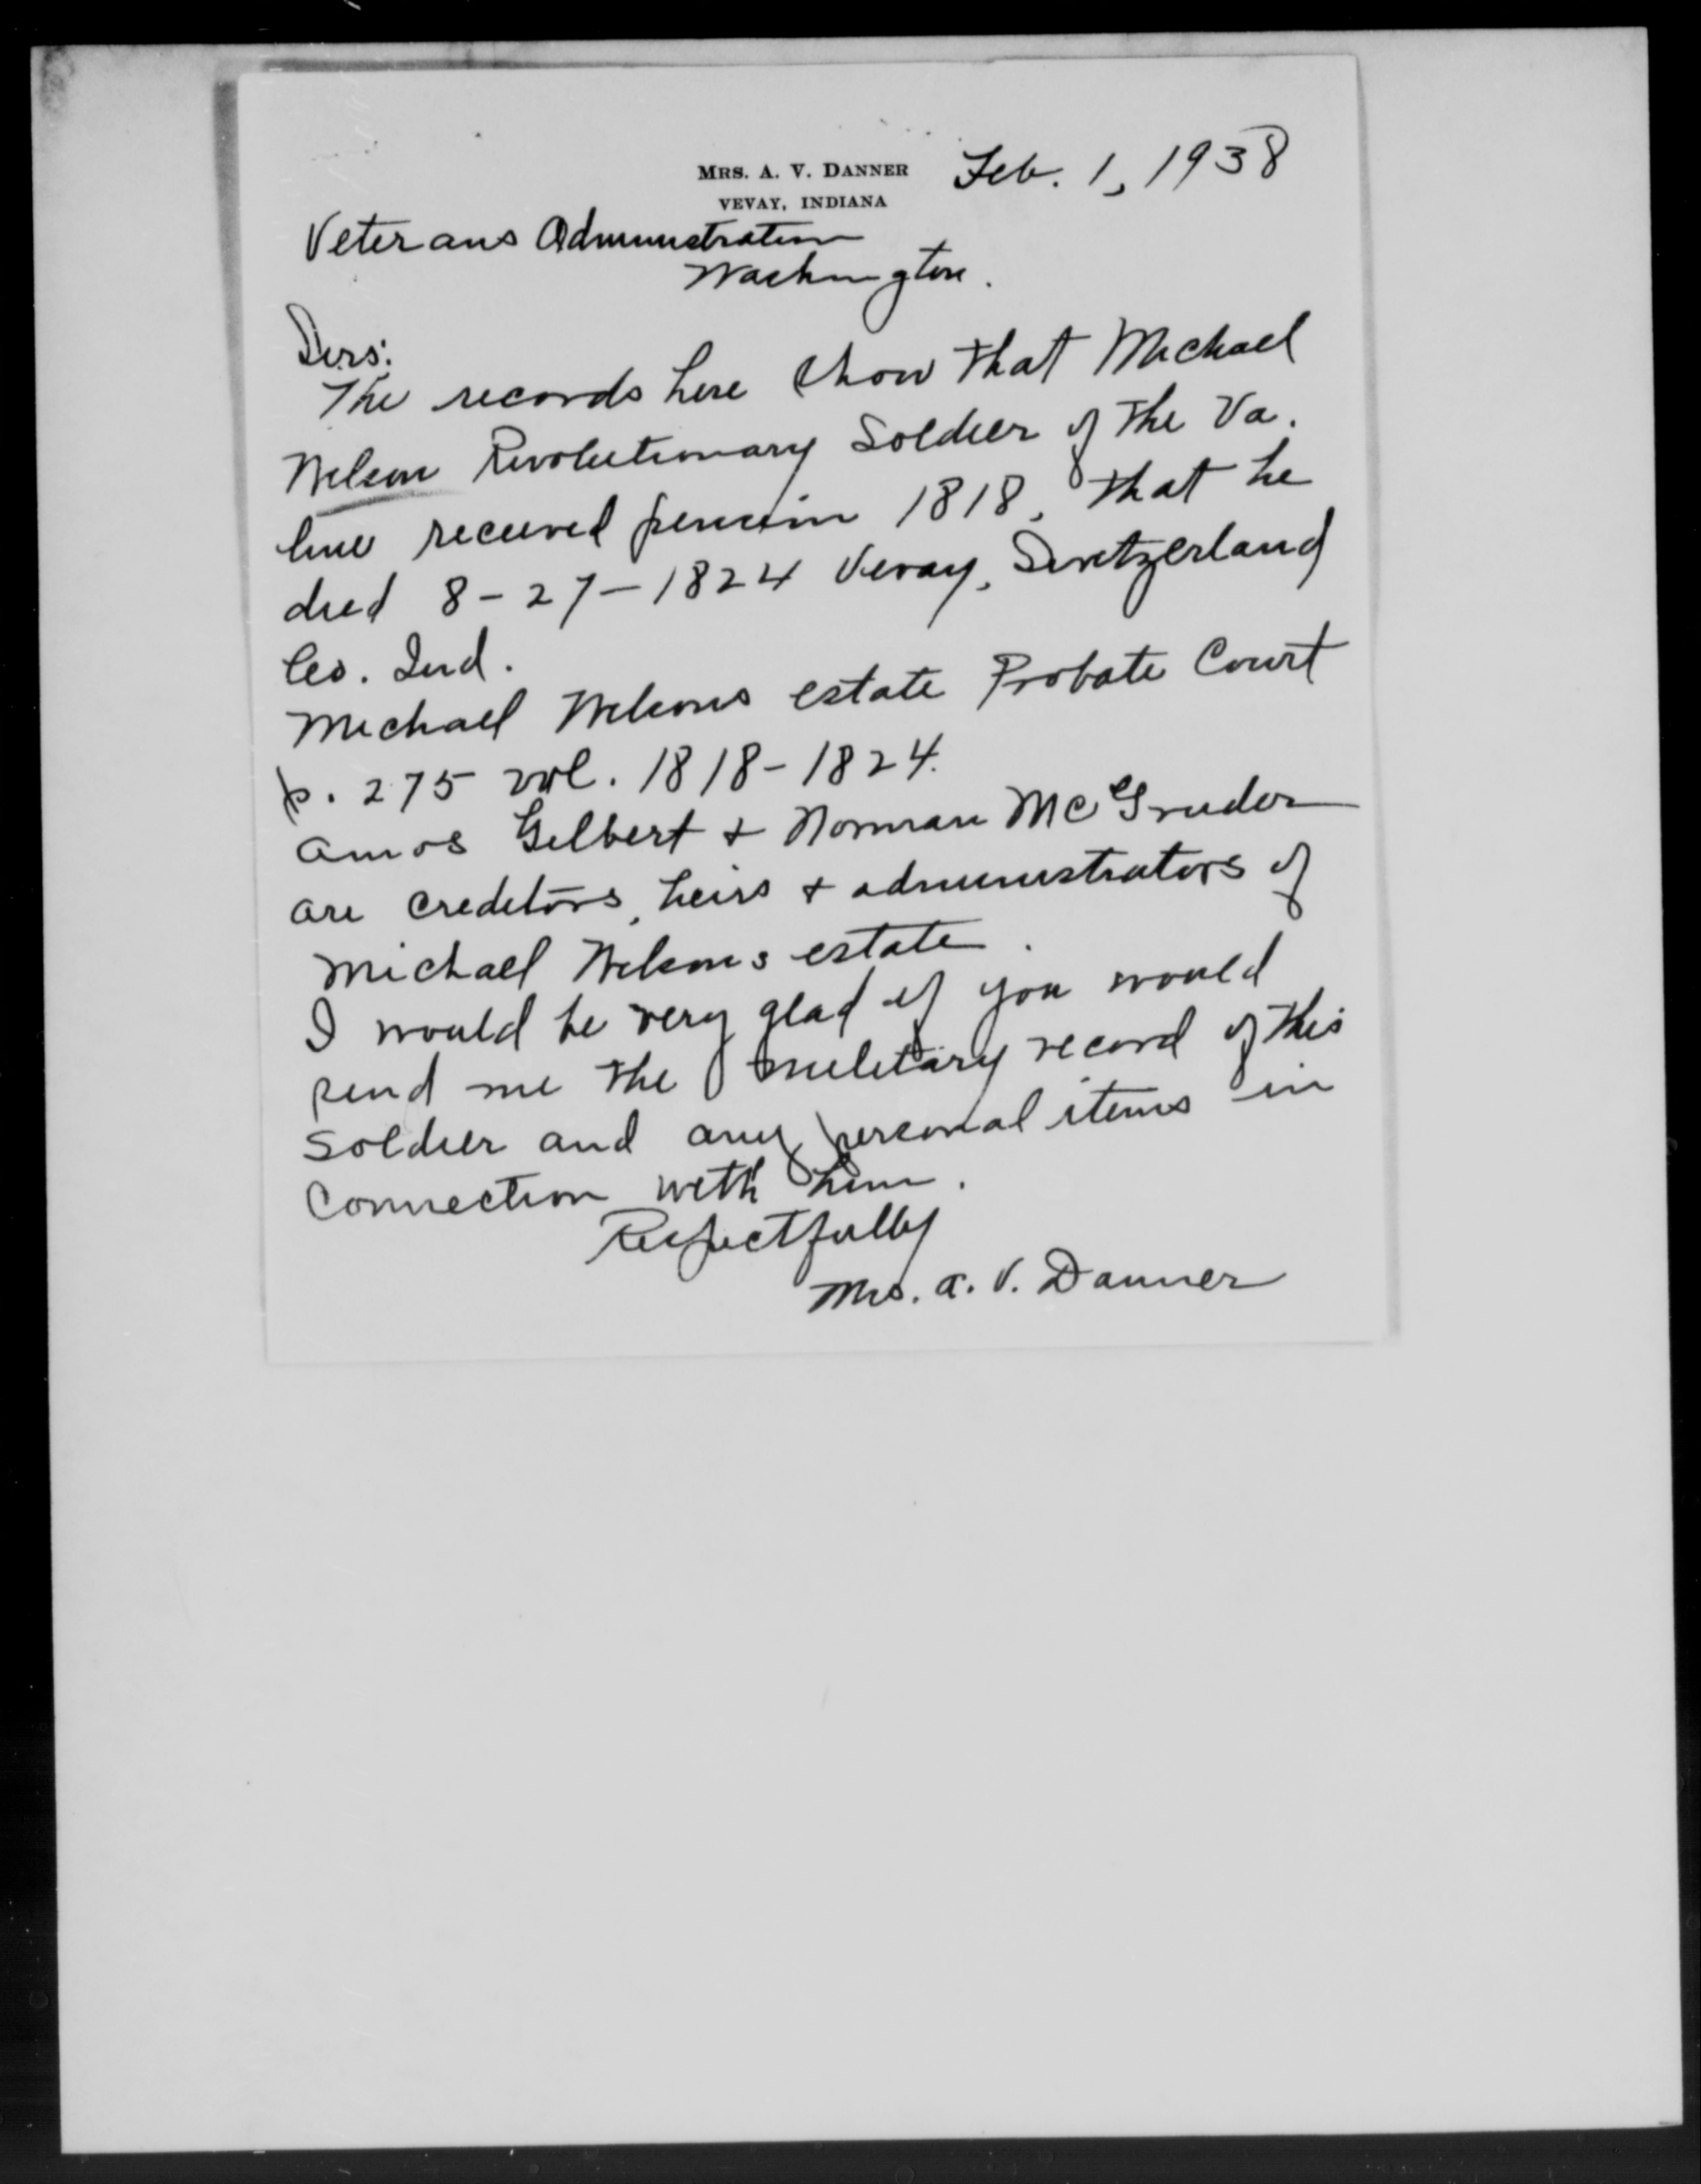MRS. A. V. DANNER
VEVAY, INDIANA

Feb. 1, 1938
Veterans Administration
Washington

Sirs:

The records here show that Michael Wilson Revolutionary soldier of the Va. line received pension 1818, that he died 8-27-1824 Veray, Switzerland Co. Ind.

Michael Wilsons estate Probate Court p. 275 Vol. 1818-1824.

Amos Gilbert & Norman McGruder are creditors, heirs & administrators of Michael Wilsons estate.

I would be very glad if you would send me the military record of this Soldier and any personal items in connection with him.

Respectfully
Mrs. A. V. Danner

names: Norman Mc Gruder, Michael Wilson, Gilbert Mc Gruder, A V Danner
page: 39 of 40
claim: survivor's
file: S. 3564, Mindart Wilson, New Jersey